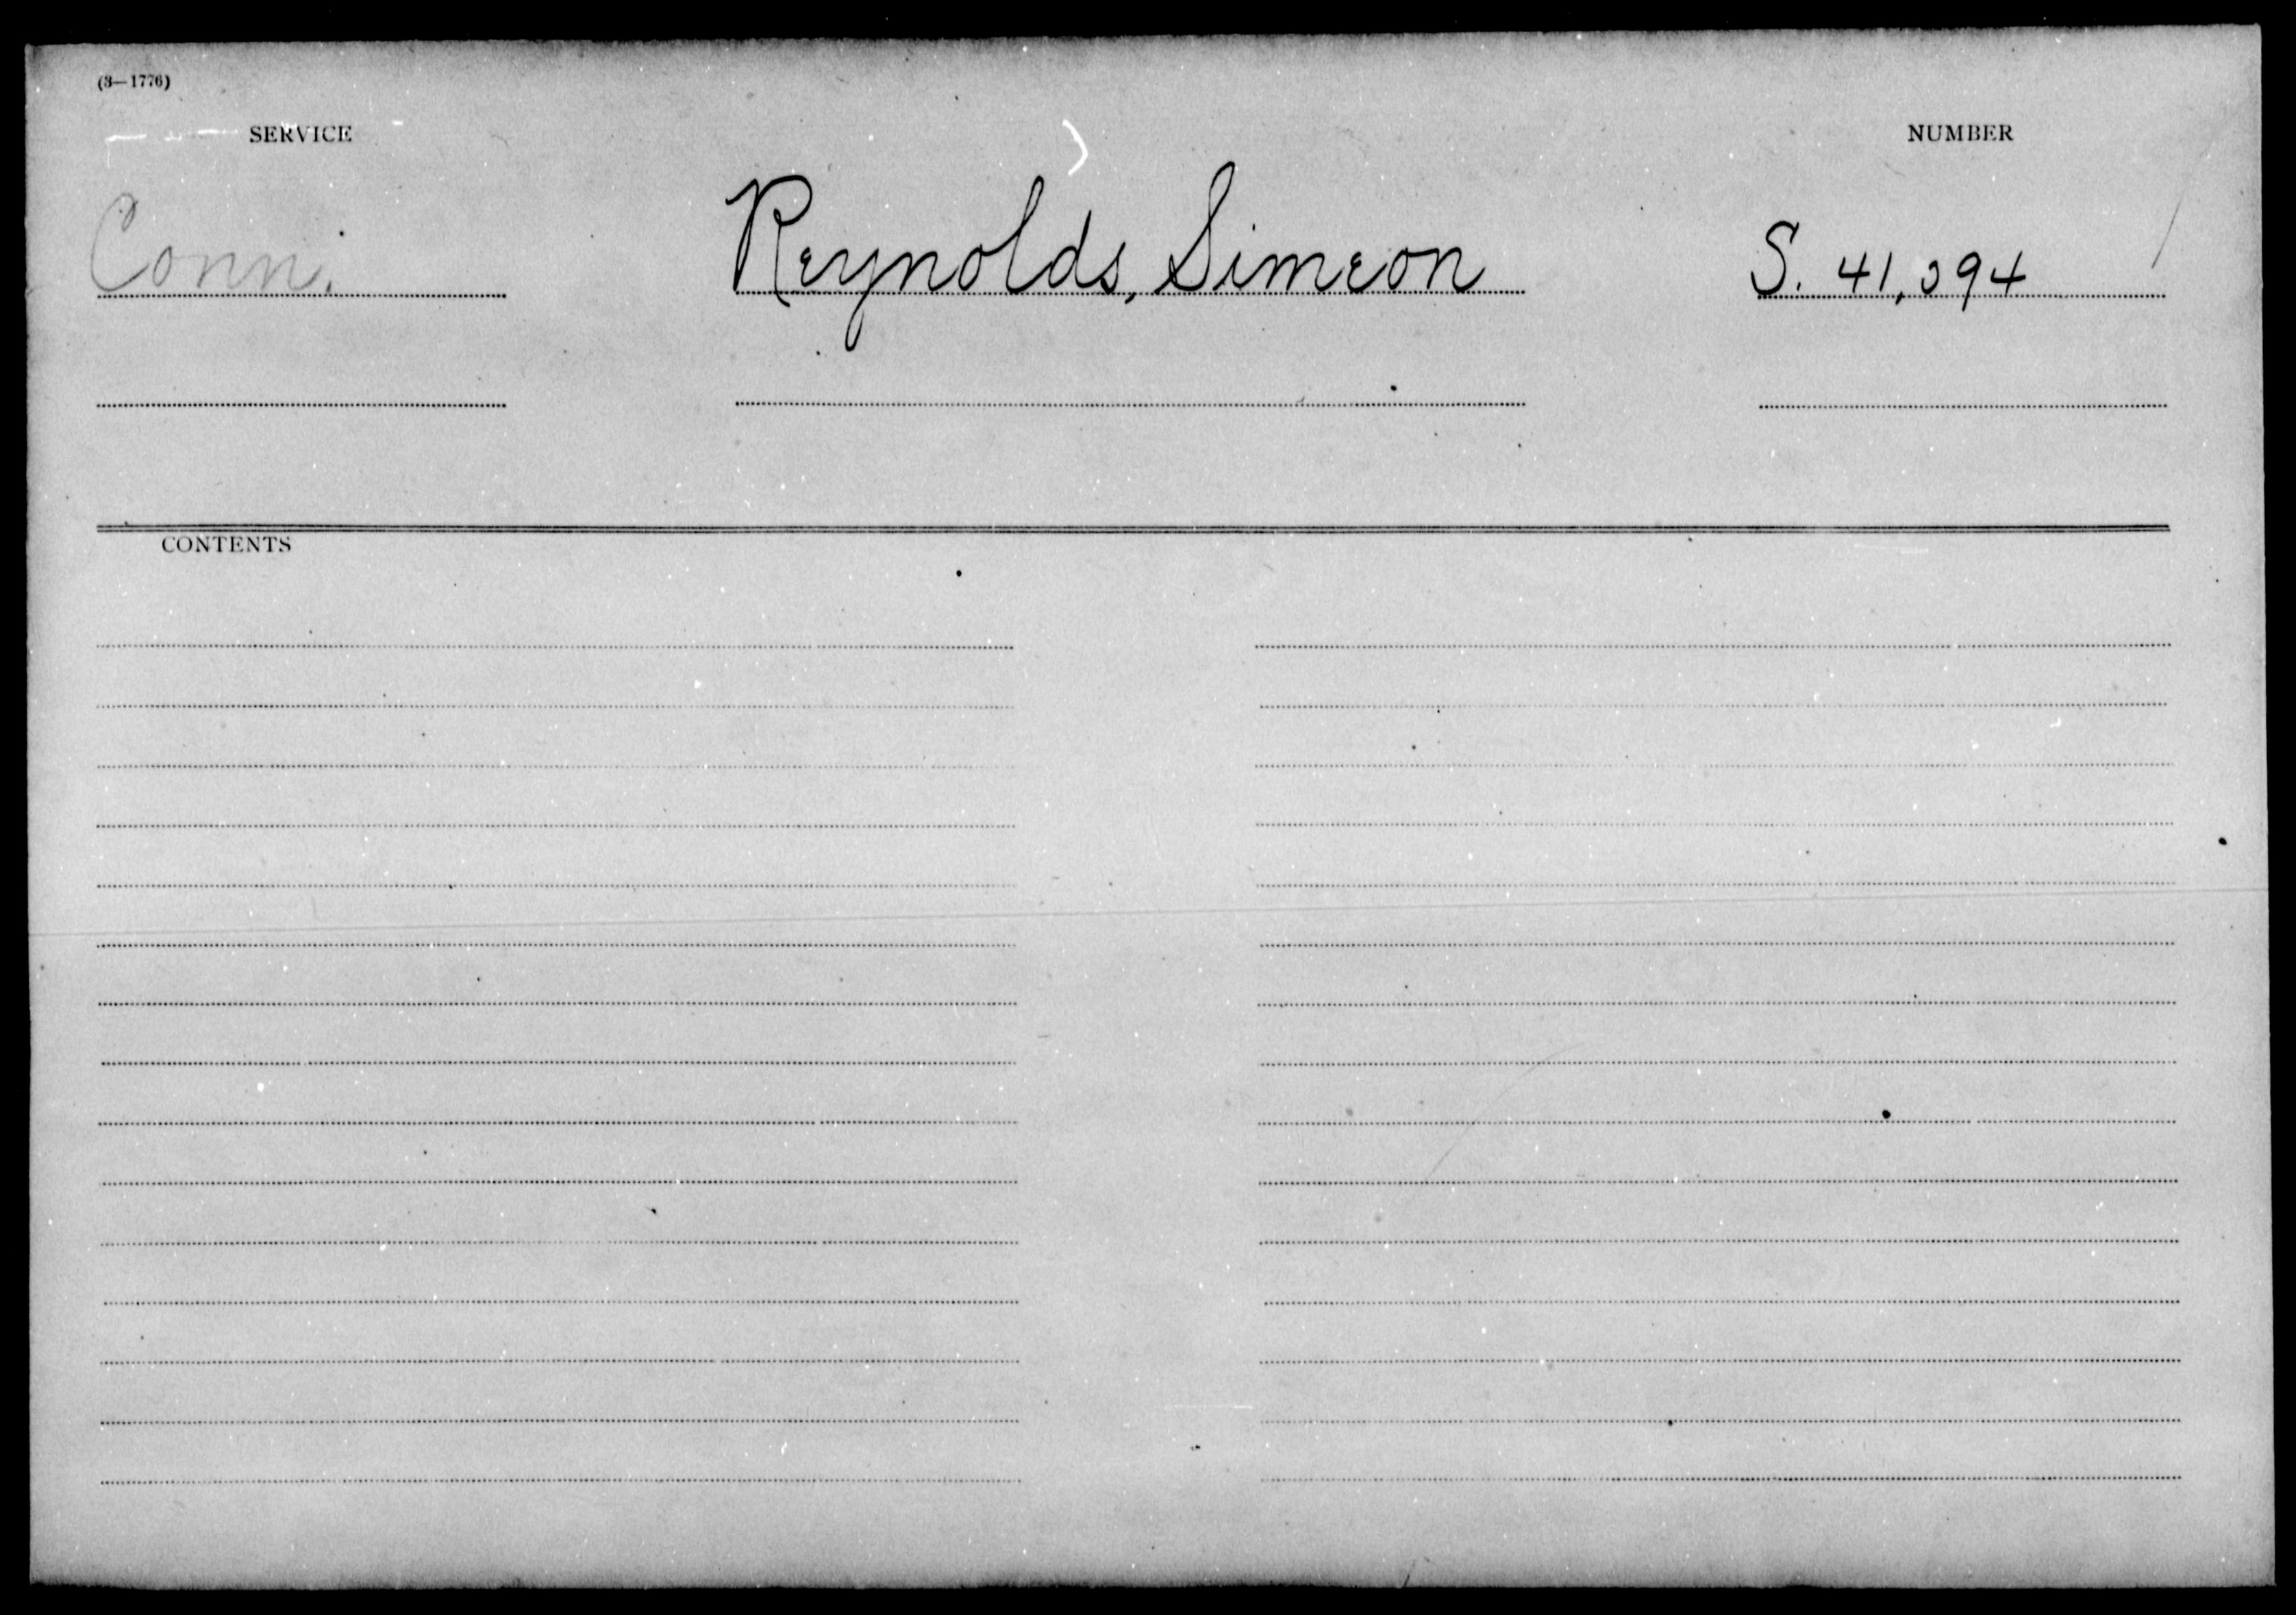(3-1776)
SERVICE
Conn.  
Reynolds, Simeon    
NUMBER
S. 41,094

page: 1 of 20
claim: survivor's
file: S. 41,094, for Simeon Reynolds, Connecticut